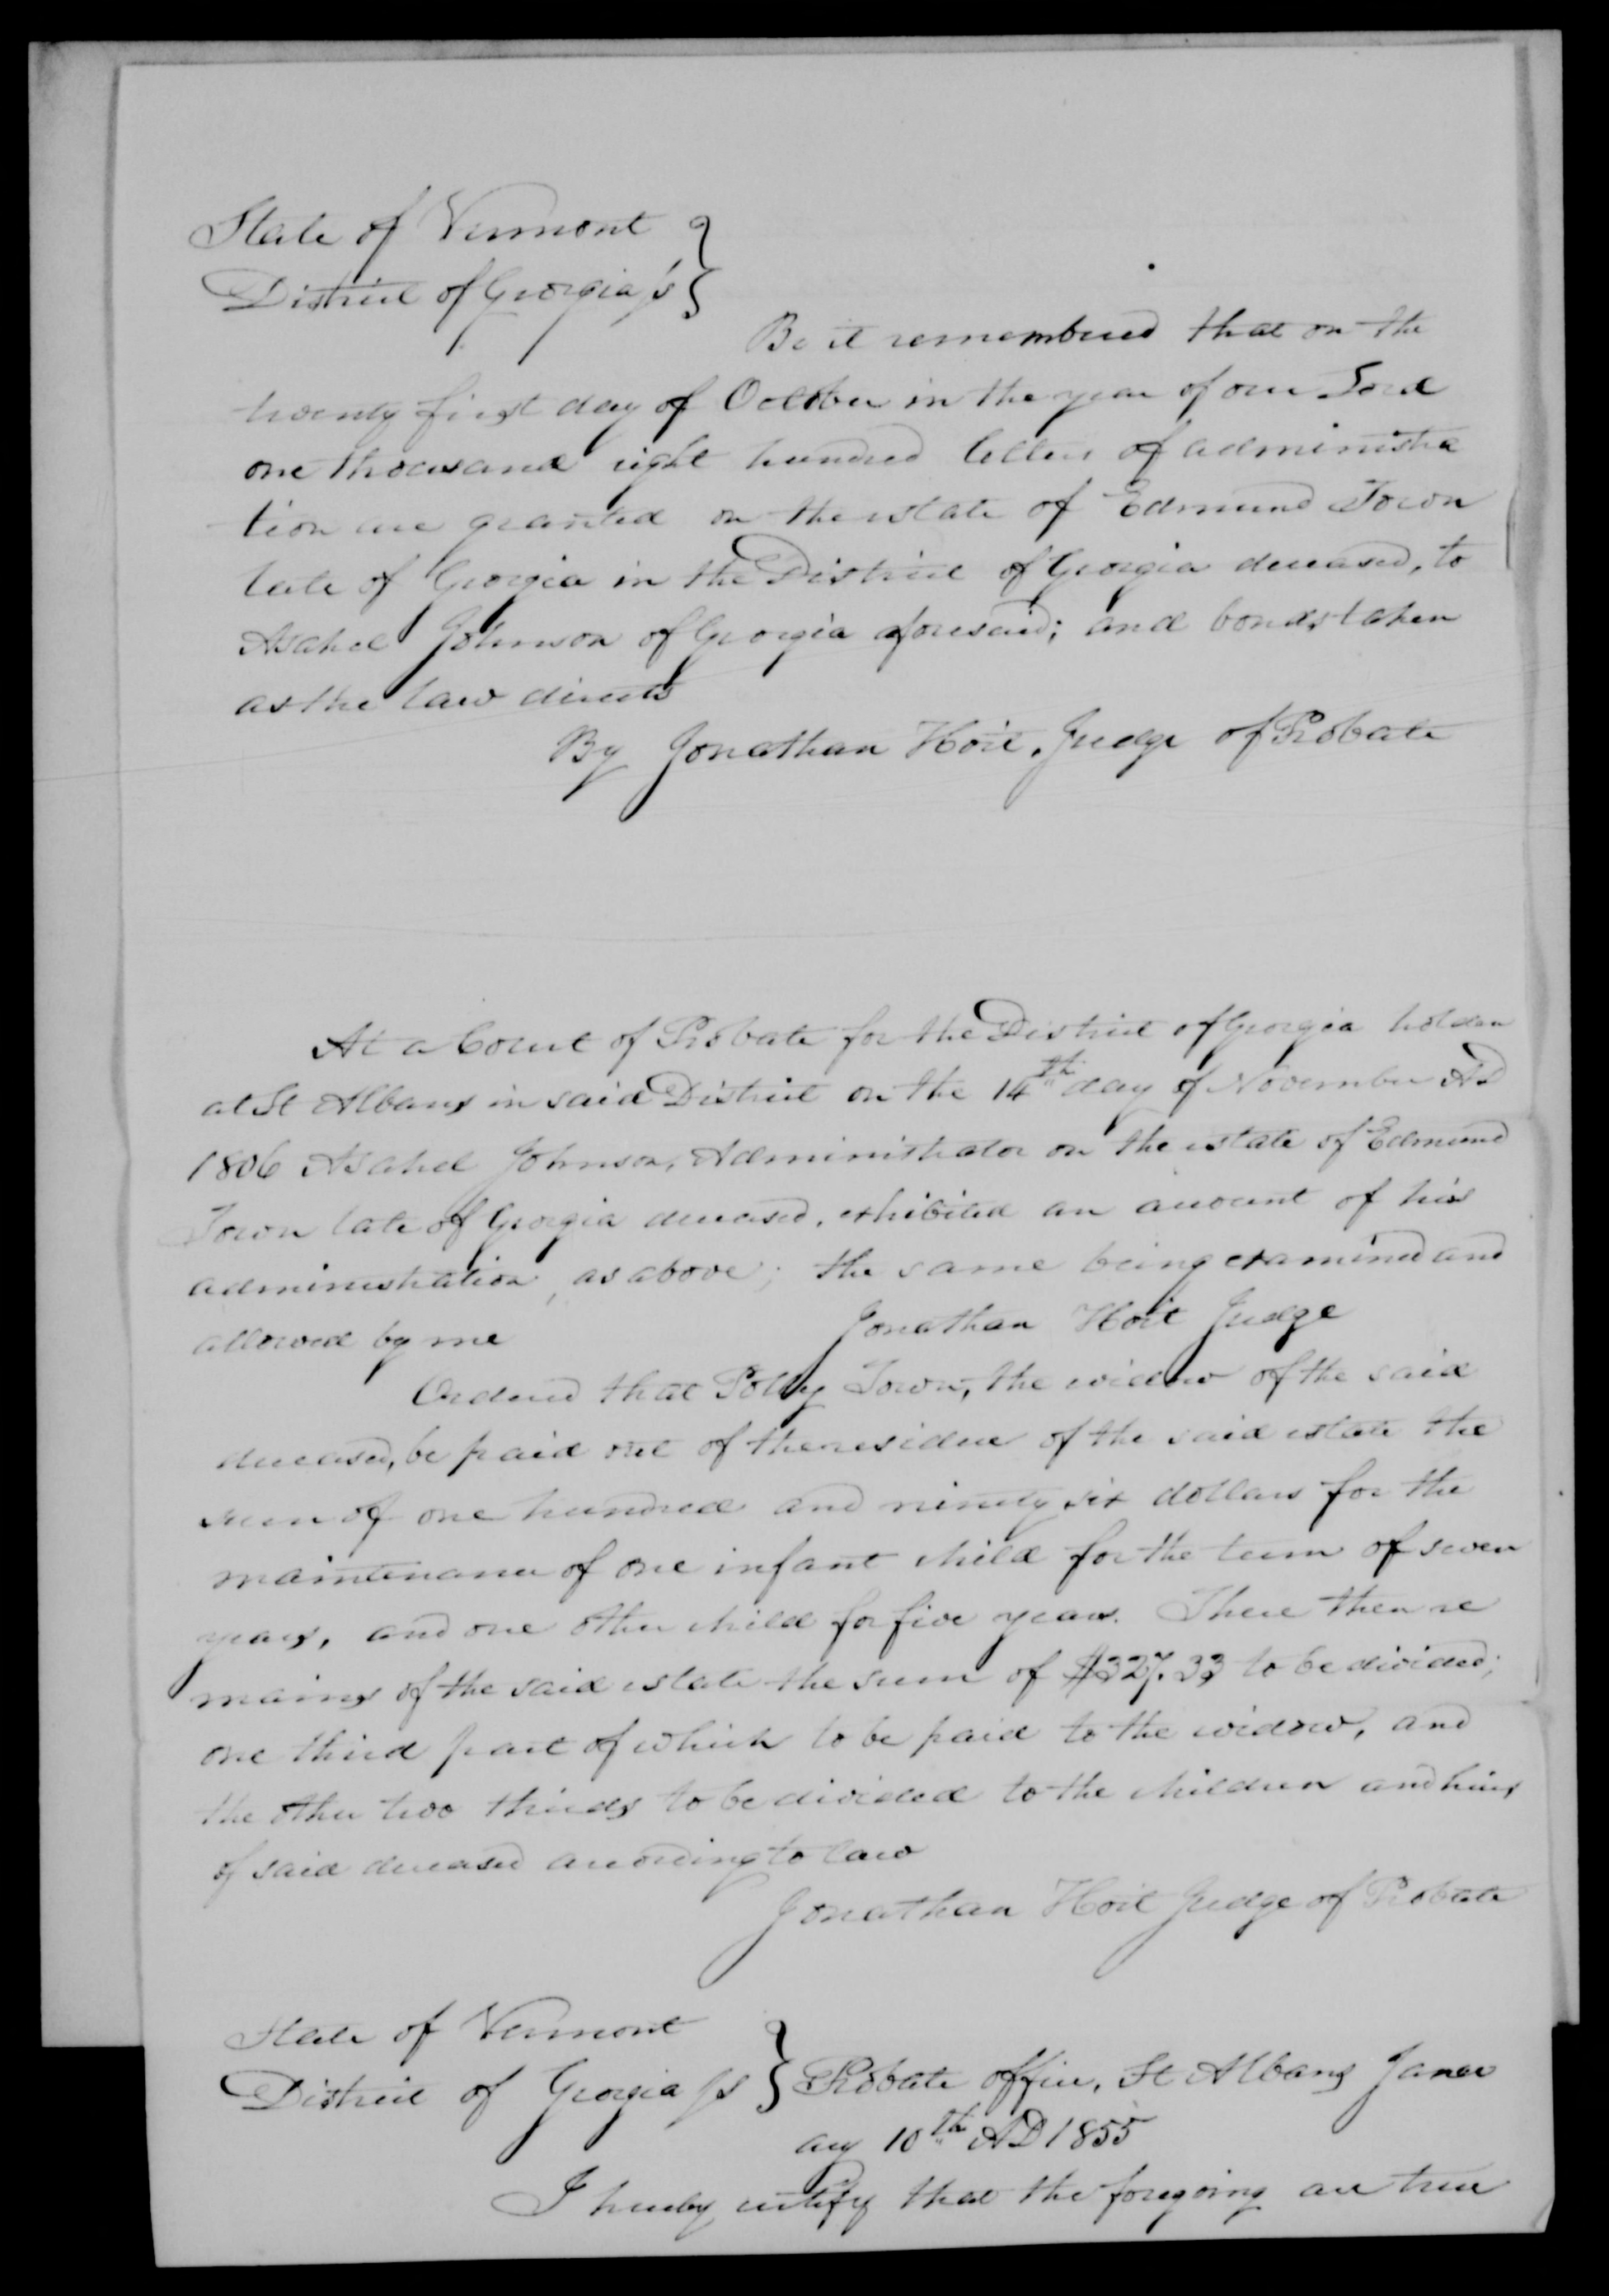State of Vermont
District of Georgia Ss.

Be it remembered that on the twenty first day of October in the year of our Lork one thousand eight hundred letters of administration were granted on the estate of Edmund Town, late of Georgia in the District oof Georgia deceased, to  Asahel Johnson of Georgia aforesaid and bonds taken as the law directed.
By Jonathan Hoit, Judge of Probate 

At a Court of Probate for the District of Georgia holden at St. Albans in said District on the 14th day of November A. D. 1806 Asahel Johnson Administrator on the estate of Edmund Town, late of Georgia deceased, exhibited an account of his administration as above, the same being examined and allowed by me.
Jonathan Hoit Judge

Ordered that the Polly town, the widow of the said deceased be paid out of the residue of the said estate the sum of one hundred and ninety six dollars for the maintenance of one infant child for the term of seven years and one other child for five years.. There then remaining of the said estate the sum of $227.23 t be divided one third part of which to be paid to the widow and the other two thirds to be divided to the children and heirs of said deceased according to law.
Jonathan Hoit Judge of Probate

State of Vermont
District of Georgia ss. Probate Office, St. Albans
January 10th A. D. 1855
I hereby certify that the foregoing are true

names: Asahel Johnson, Polly Town, Jonathan Hoit, Edmund Town, Asahel Johnson, Jonathan Hoit, Edmund Town, Jonathan Hoit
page: 52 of 64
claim: widow's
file: W. 5831, Edmund Town, Mass.